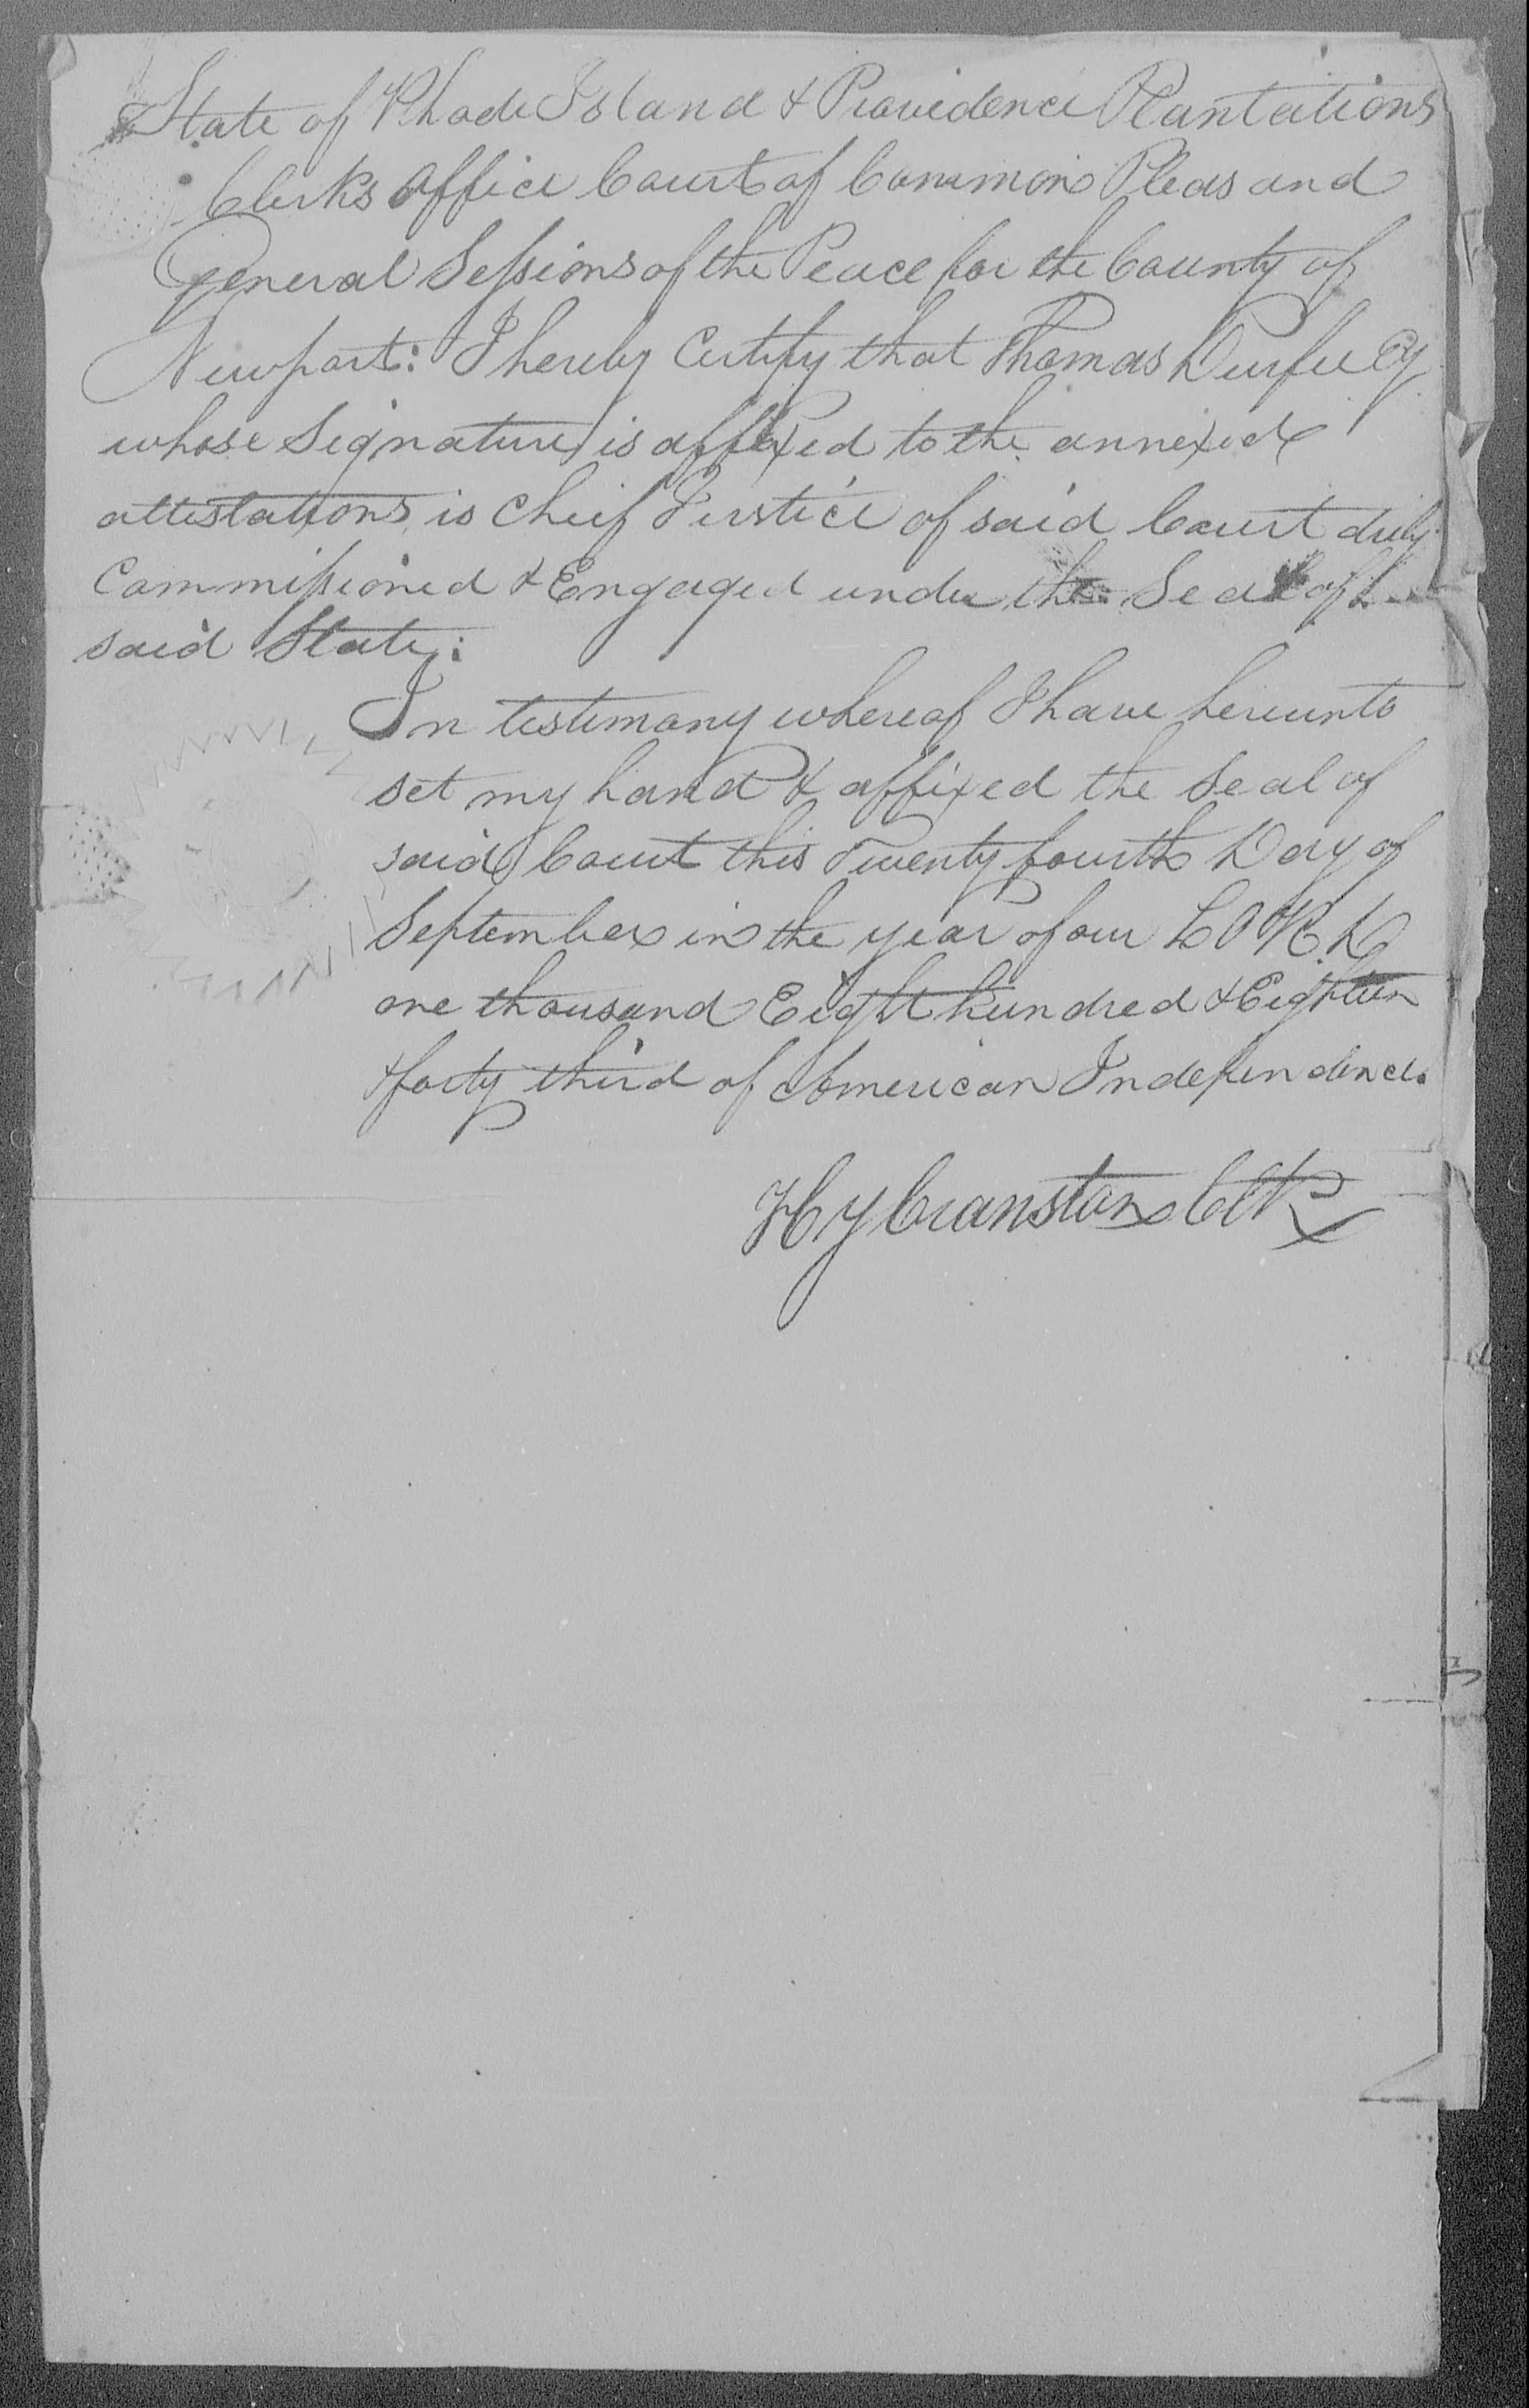State of Rhode Island & Providence Plantations
Clerks Office Court of Common Pleas and General Sessions of the Peace for the County of Newport: I hereby certify that Thomas Durfee Esq whose signature is affixed to the annexed attestations is Chief Justice of said Court duly commissioned & engaged under the Seal of said State:
In testimony whereof I have hereunto set my hand & affixed the Seal of said Court this twenty fourth Day of September in the year of our LORD one thousand eight hundred eighteen & forty third of American Independence.
[signature]
Hy Cranston Clk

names: H Y Cranston, Thomas Durfee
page: 7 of 12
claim: survivor's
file: S. 38579, Giles Brownell, Continental (R.I.) Navy